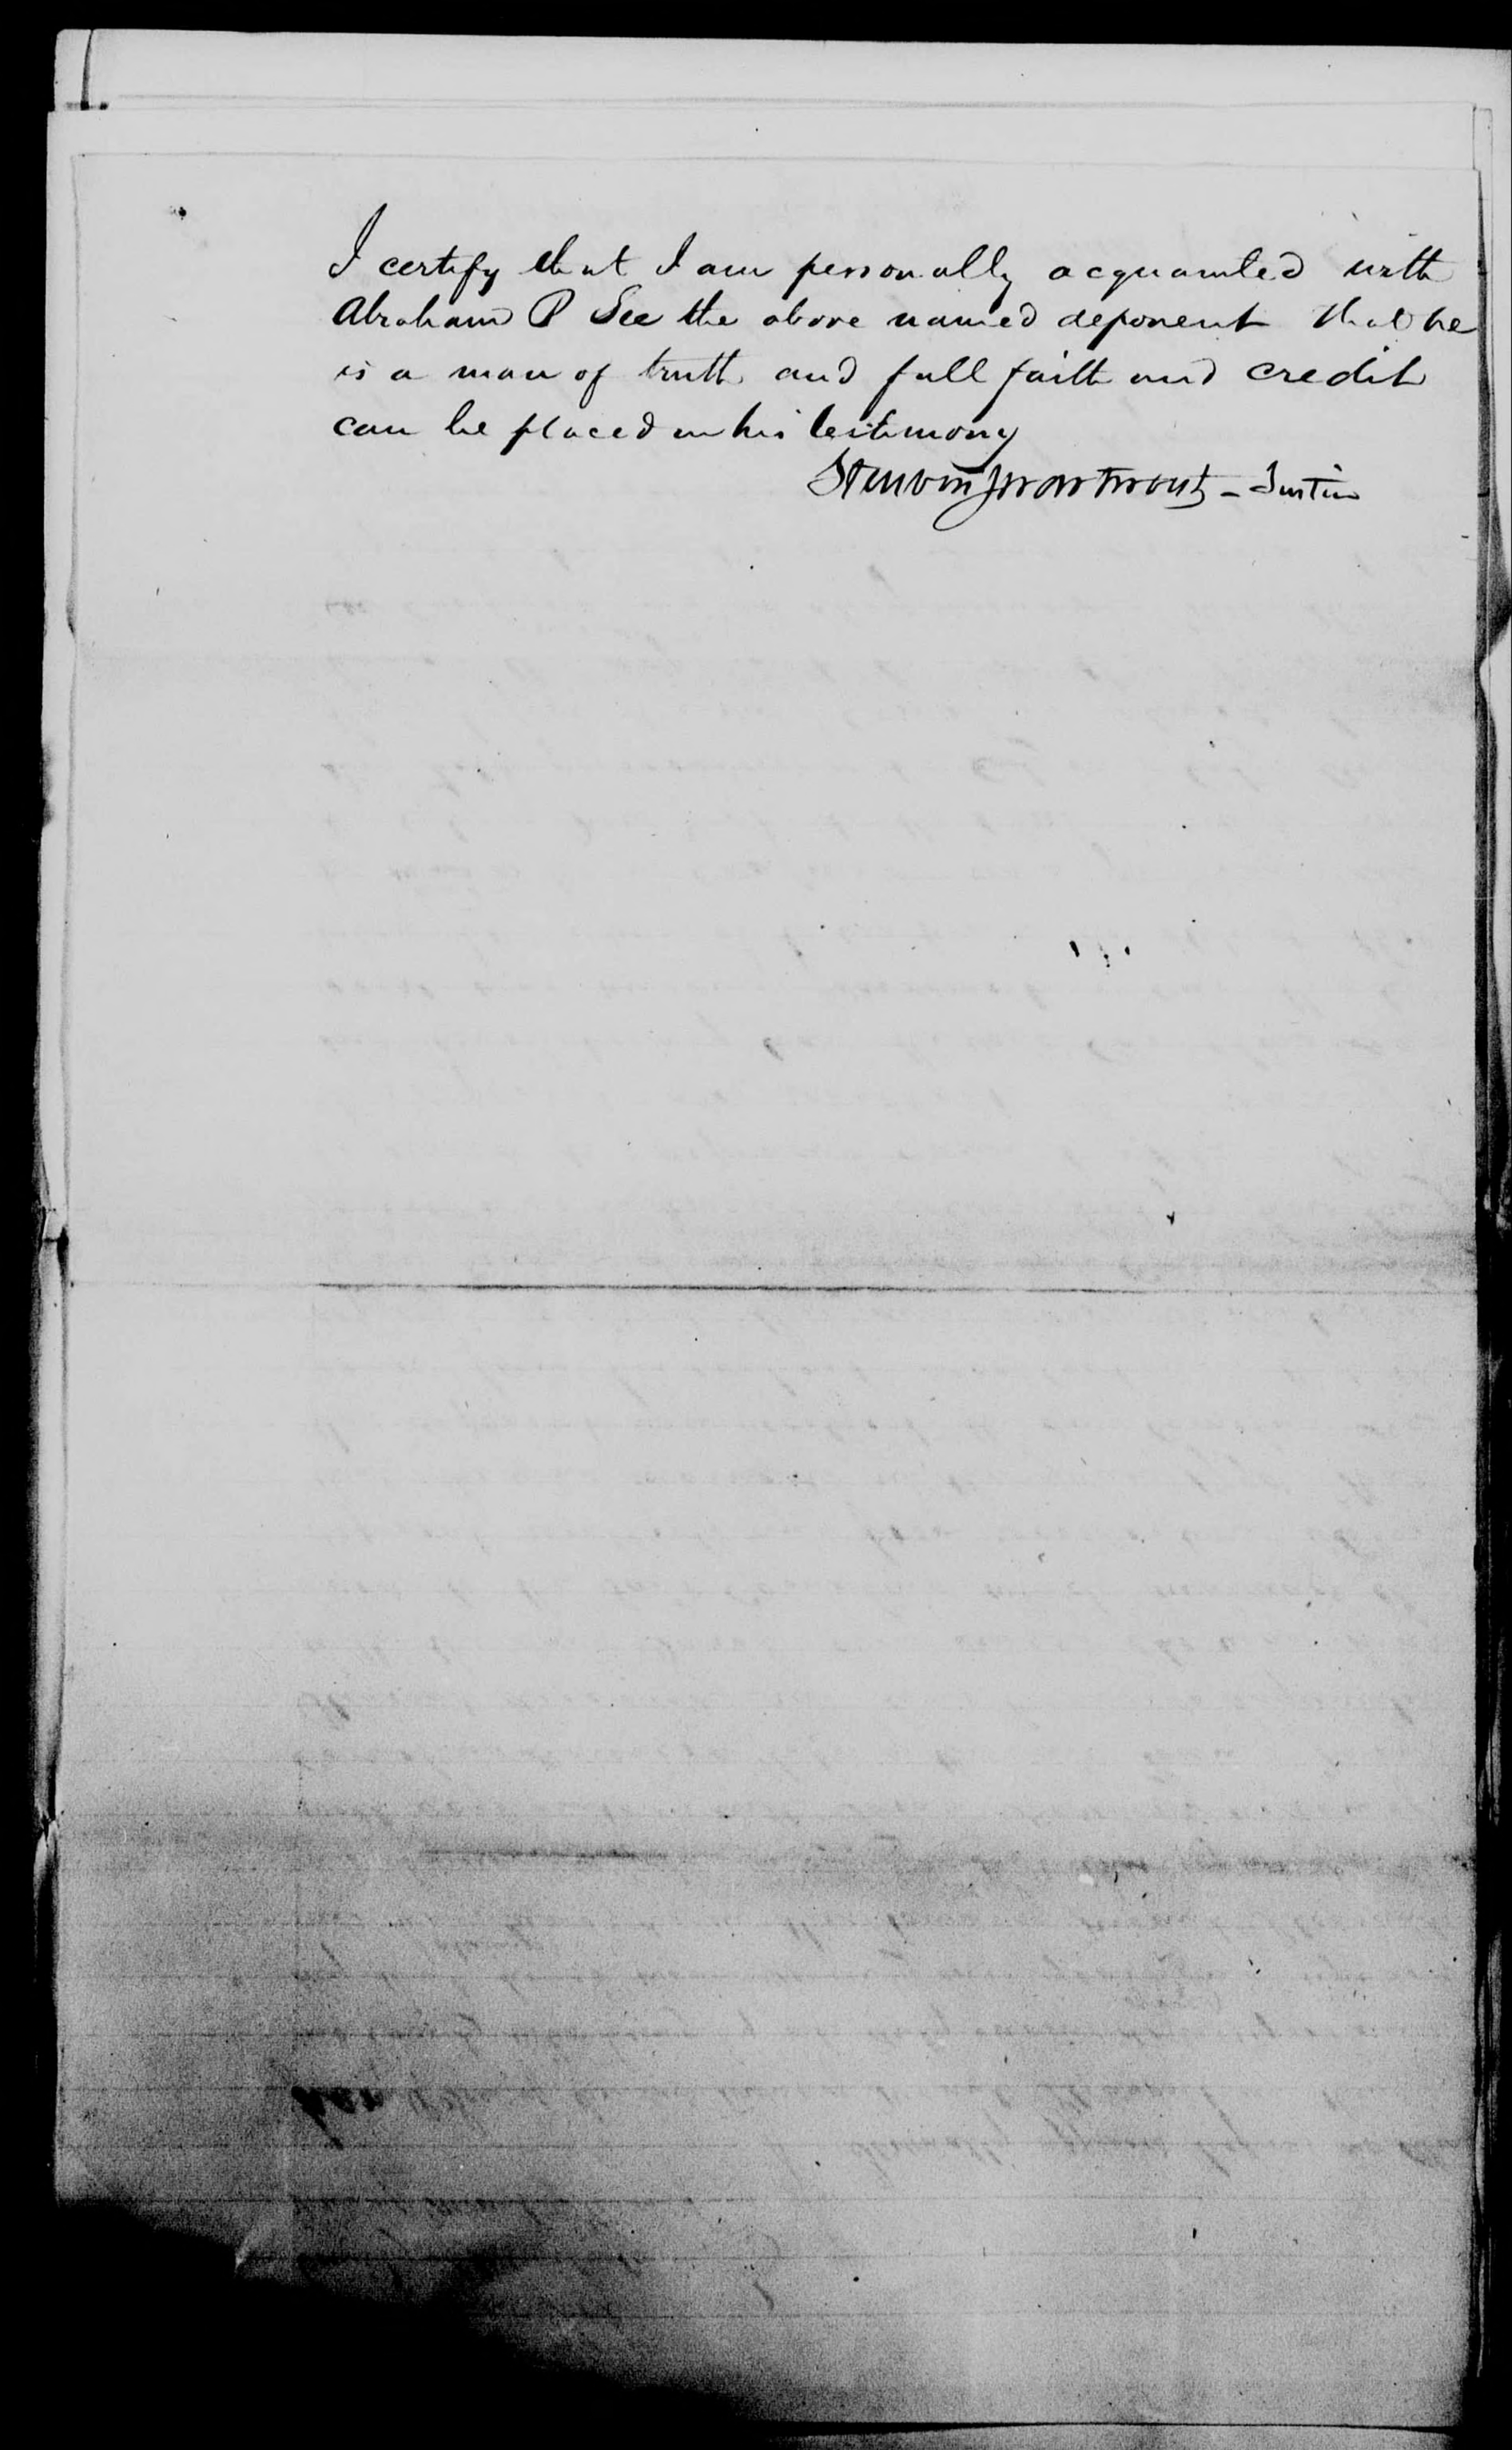I certify that I am personally acquainted with Abraham P See the above named deponent that he is a man of truth and full faith and credit can be placed in his testimony
[signed] Steuben Swartwout - Justice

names: Abraham P See, Steuben Swartwout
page: 33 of 40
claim: widow's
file: W. 24057, Cornelius De Revere, New York